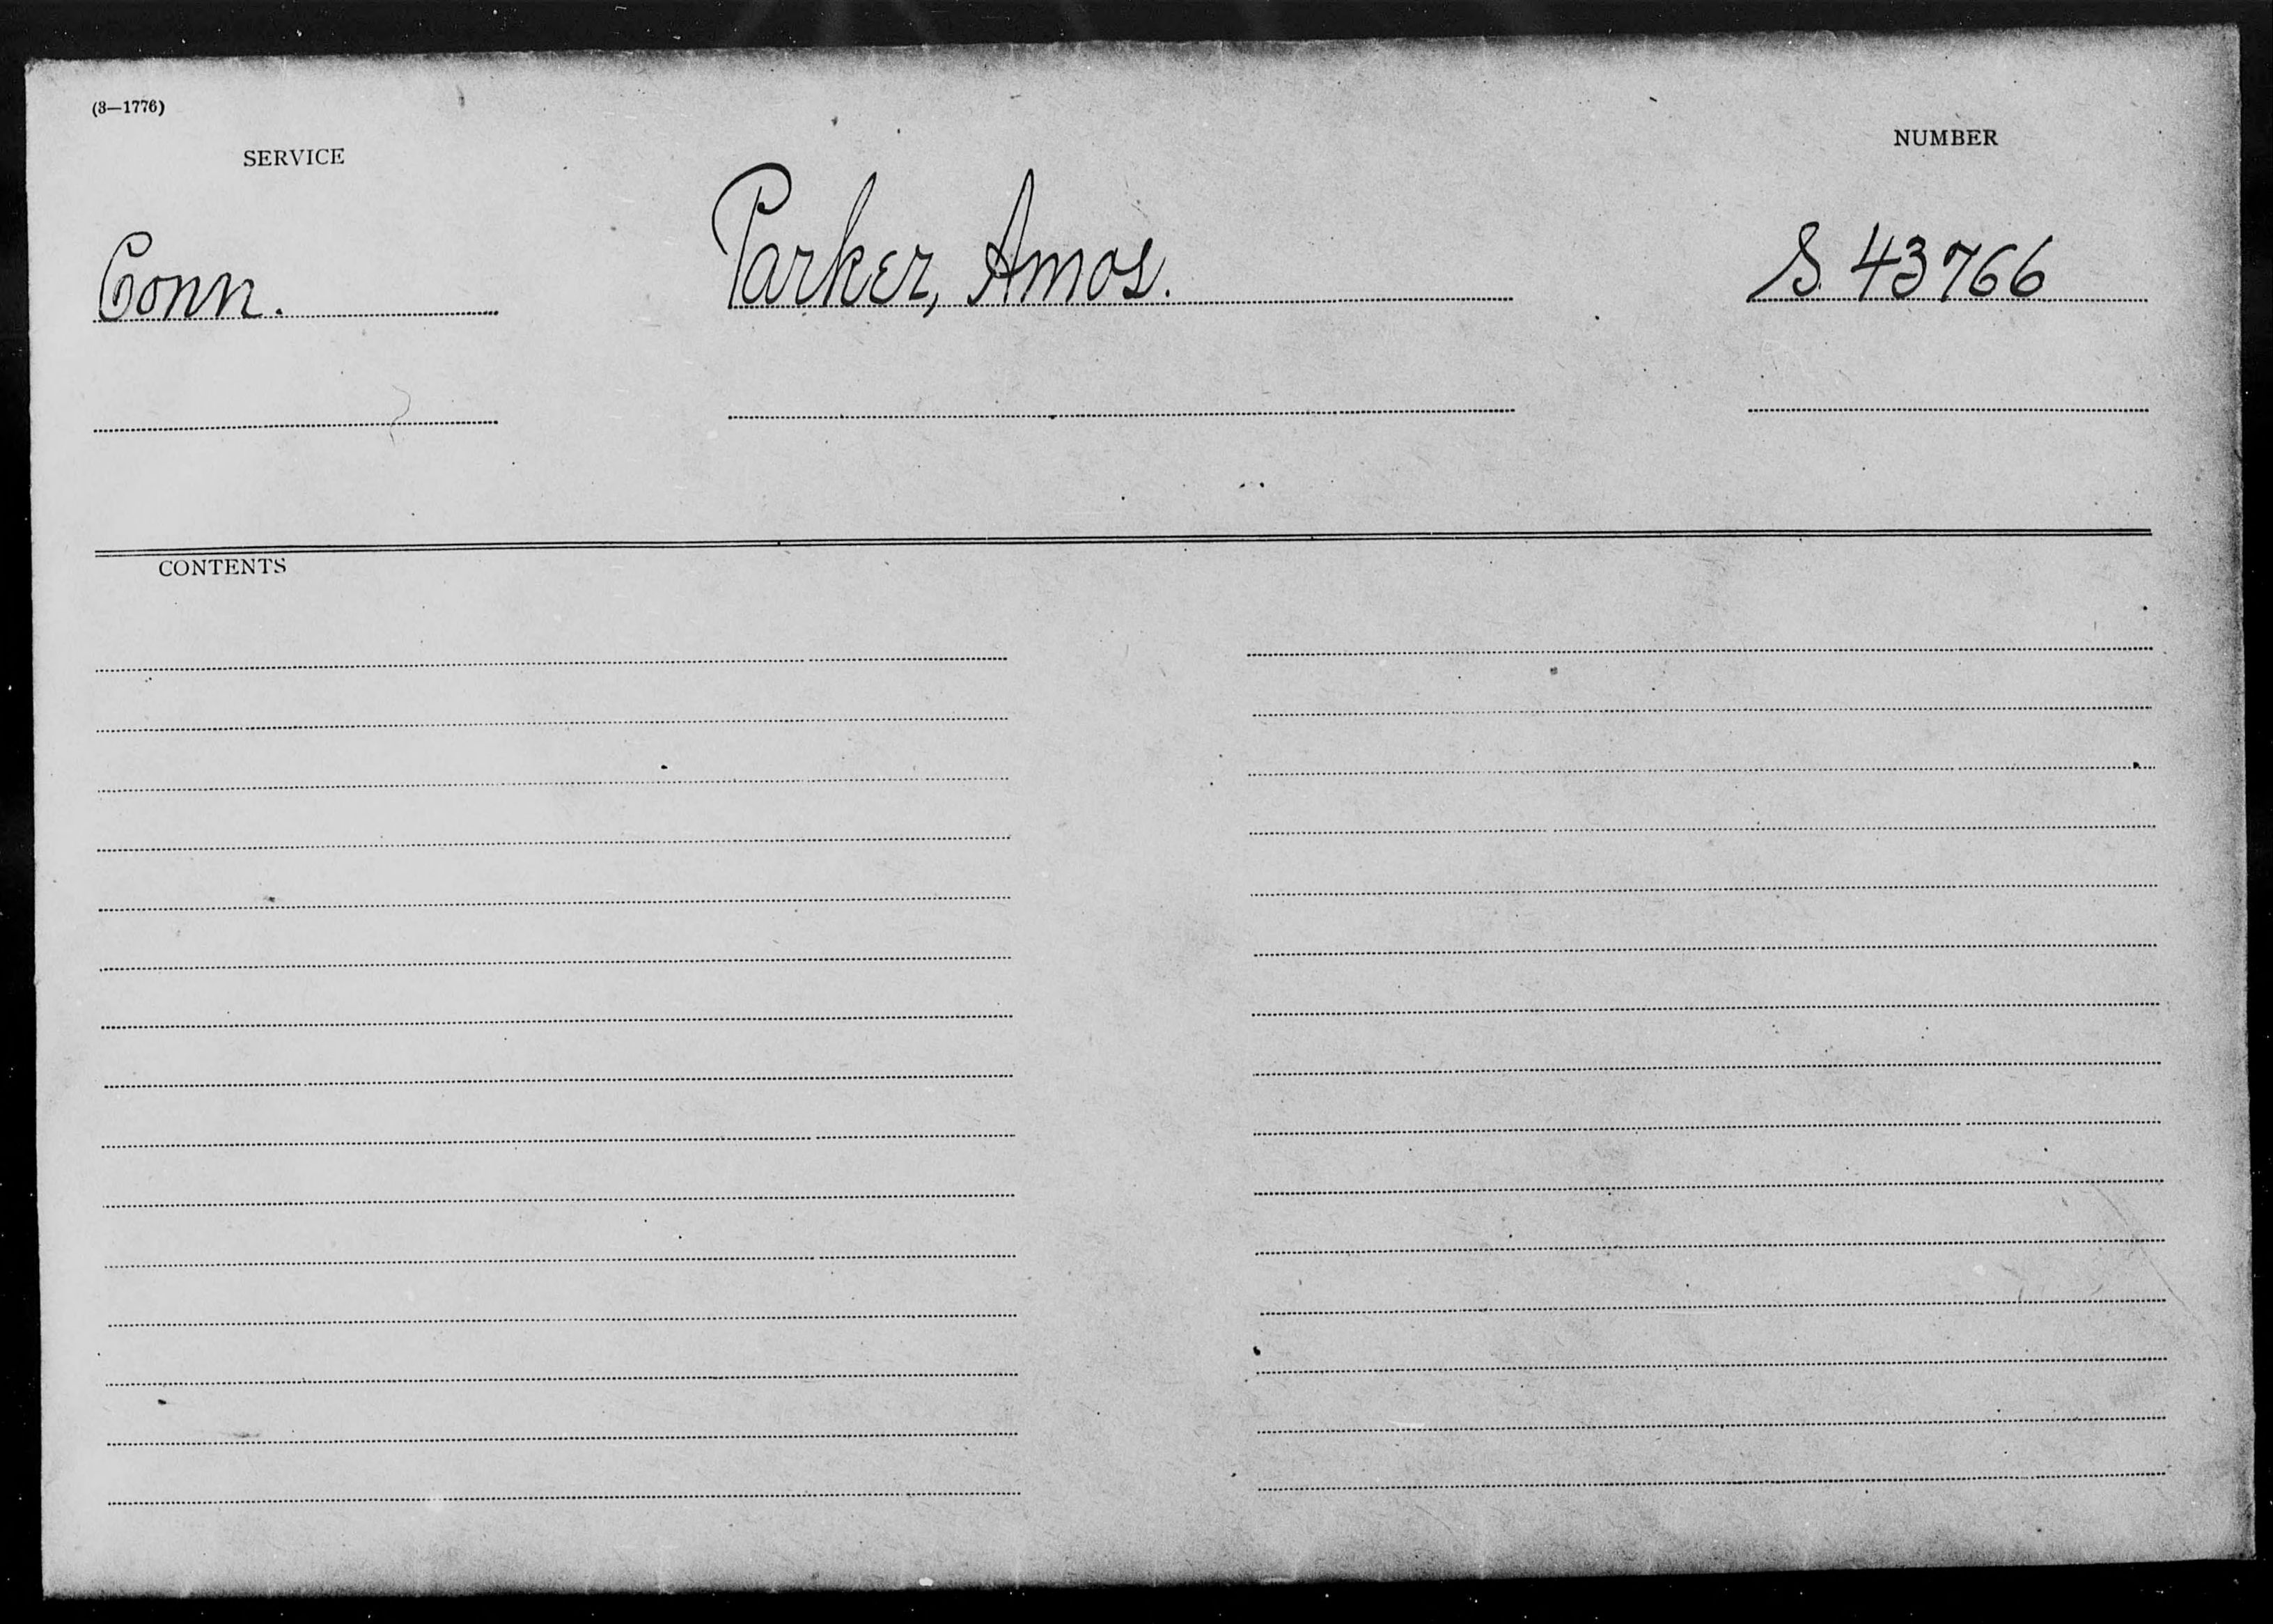(3 - 1776 )
SERVICE NUMBER
Conn. Parker, Amos S. 43766
CONTENTS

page: 1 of 31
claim: survivor's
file: S. 43766, for Amos Parker, Connecticut